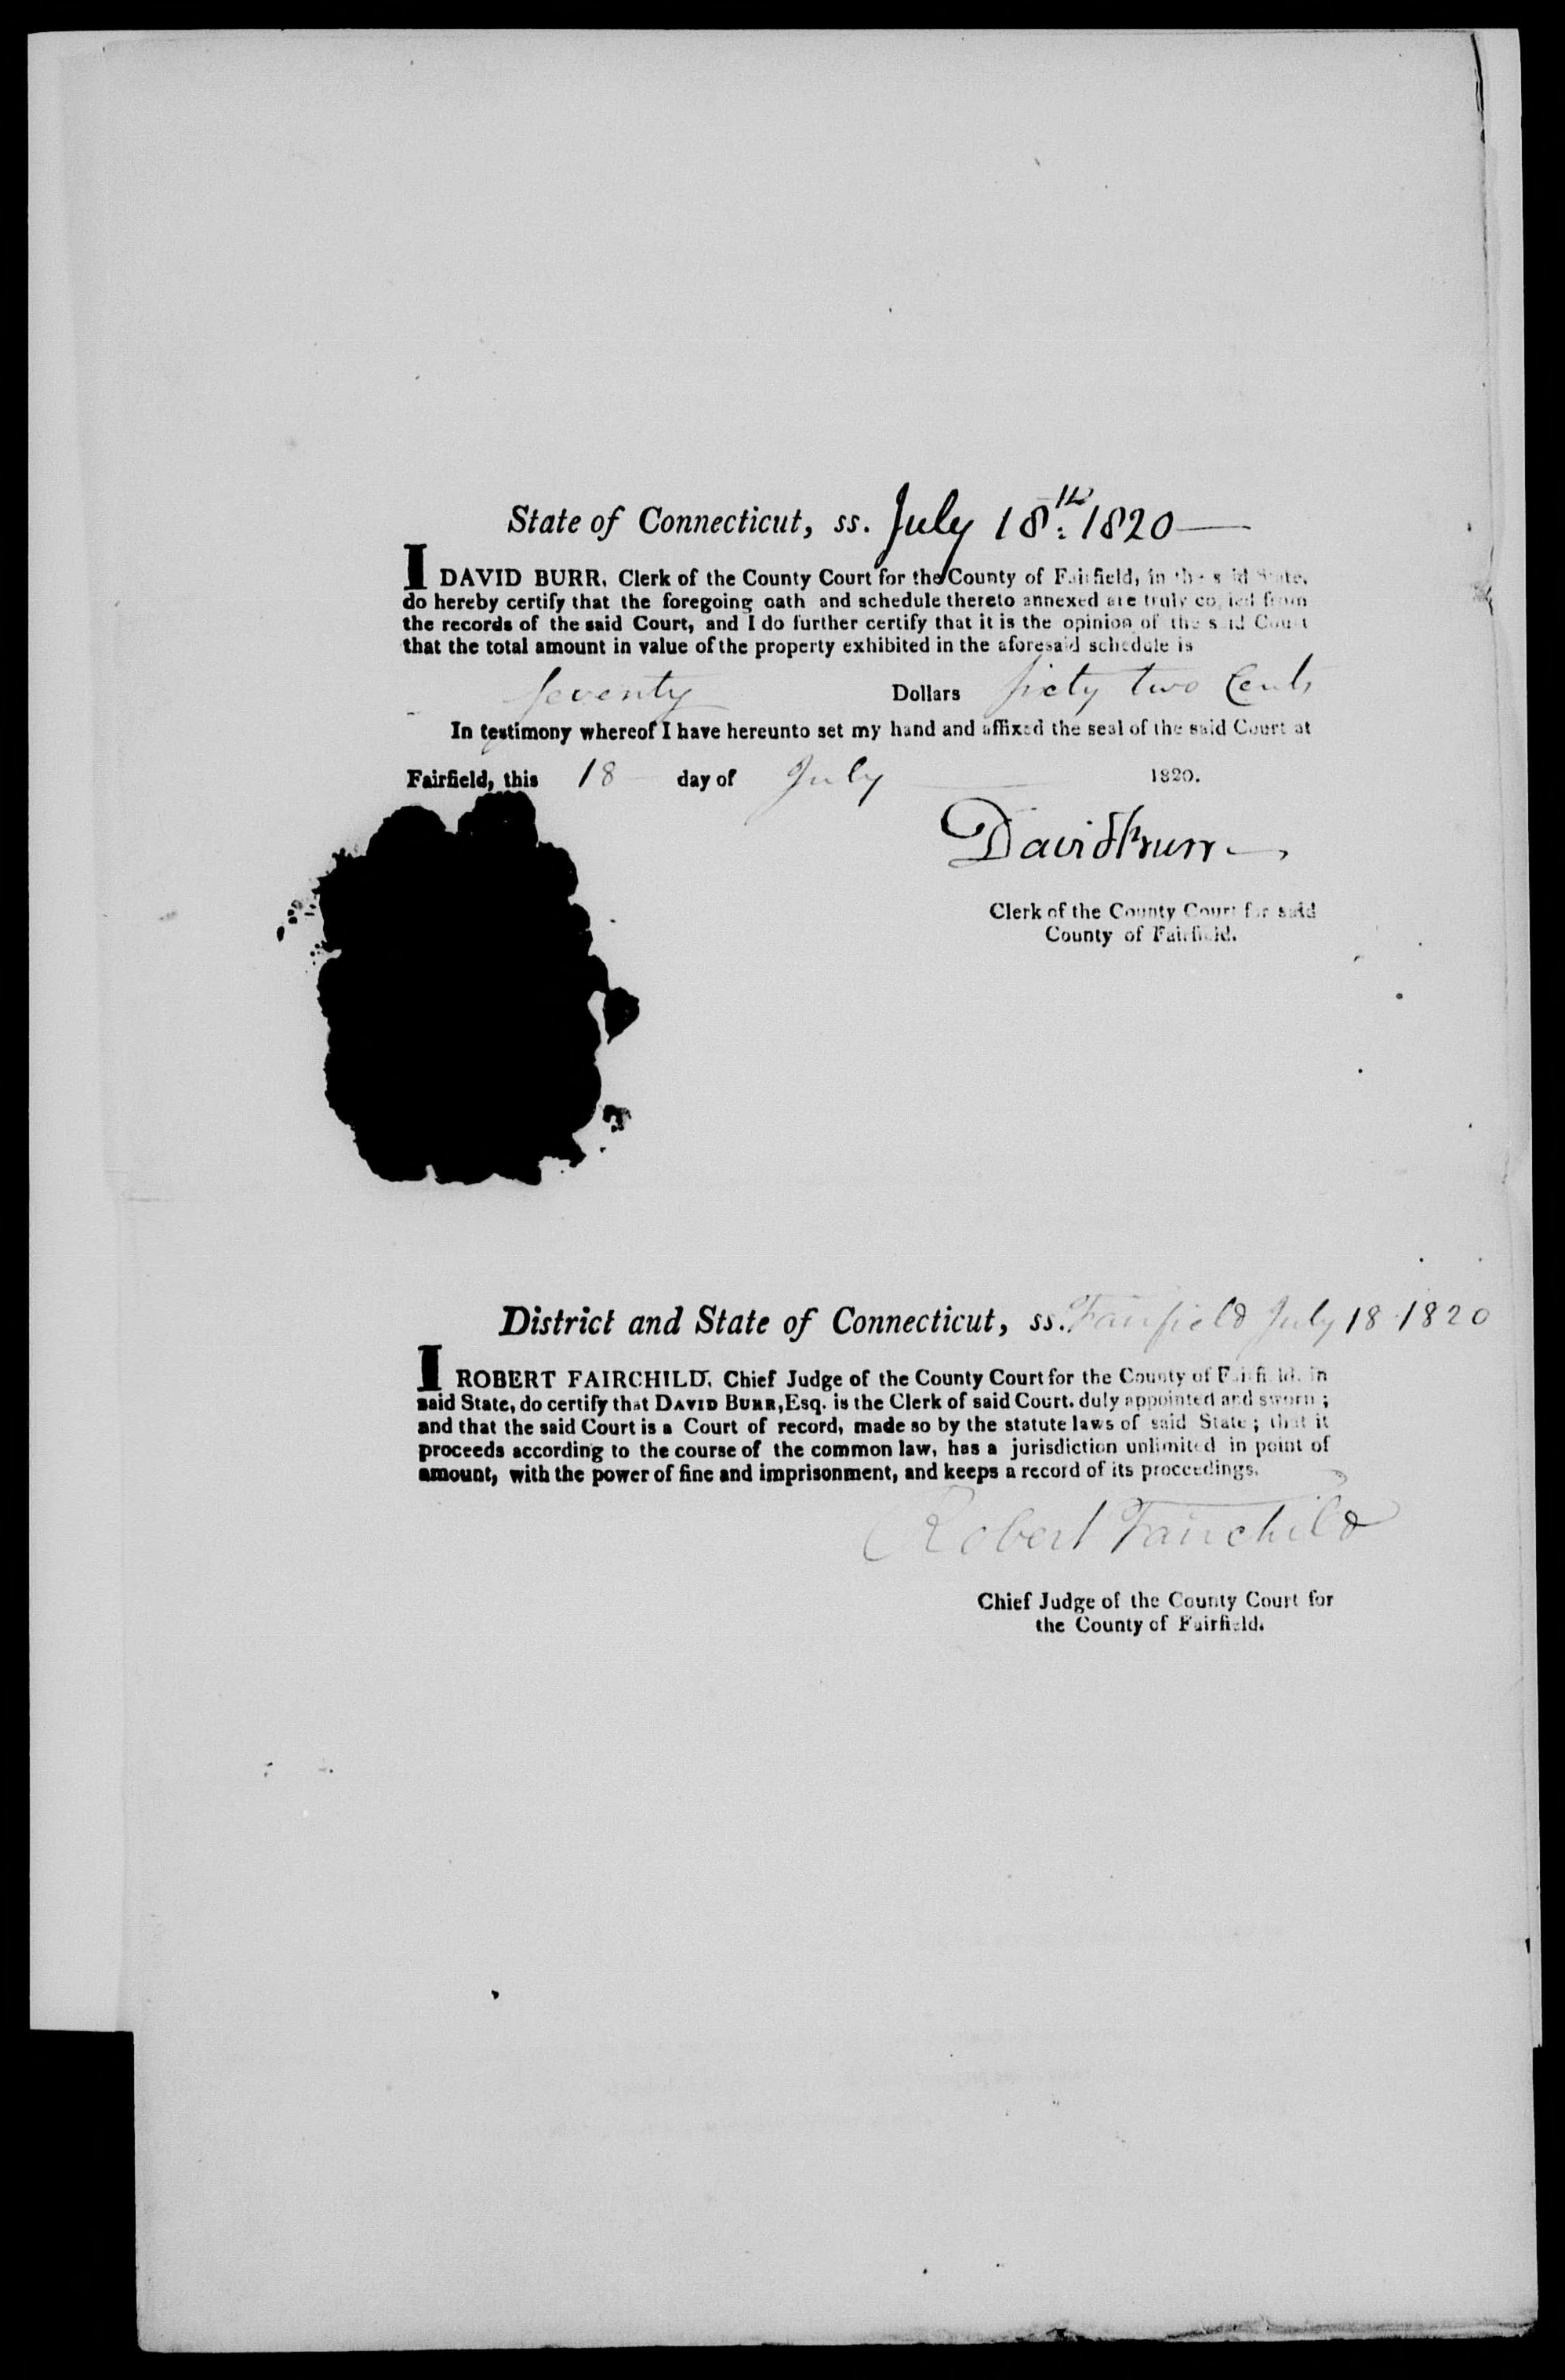State of Connecticut, ss. July 18th 1820
I DAVID BURR, Clerk of the County Court for the County of Fairfield, in the said State
do hereby certify that the foregoing oath and schedule thereto annexed are truly copied from
the records of the said Court, and I do further certify that it is the opinion of the said Court
that the total amount in value of the property exhibited in the aforesaid schedule is
Seventy Dollars sixty two cents
In testimony whereof I have hereunto set my hand and affixed the seal of the said Court at
Fairfield this 18 day of July 1820.
David Burr
Clerk of the County Court for said
County of Fairfield.


District and State of Connecticut, ss. Fairfield July 18 1820
I ROBERT FAIRCHILD, Chief Judge of the County Court for the County of Fairfield in
said State, do certify that DAVID BURR, Esq. is the Clerk of said Court, duly appointed and sworn;
and that the said Court is a Court of record, made so by the statute laws of said State; that it
proceeds according to the course of the common law, has a jurisdiction unlimited in point of
amount, with the power of fine and imprisonment, and keeps a record of its proceedings.

Robert Fairchild
Chief Judge of the County Court for
the County of Fairfield.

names: Robert Fairchild, Robert Fairchild, David Burr, David Burr, David Burr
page: 10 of 39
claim: survivor's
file: S. 12110, Isaac Bartram, Continental (Conn)